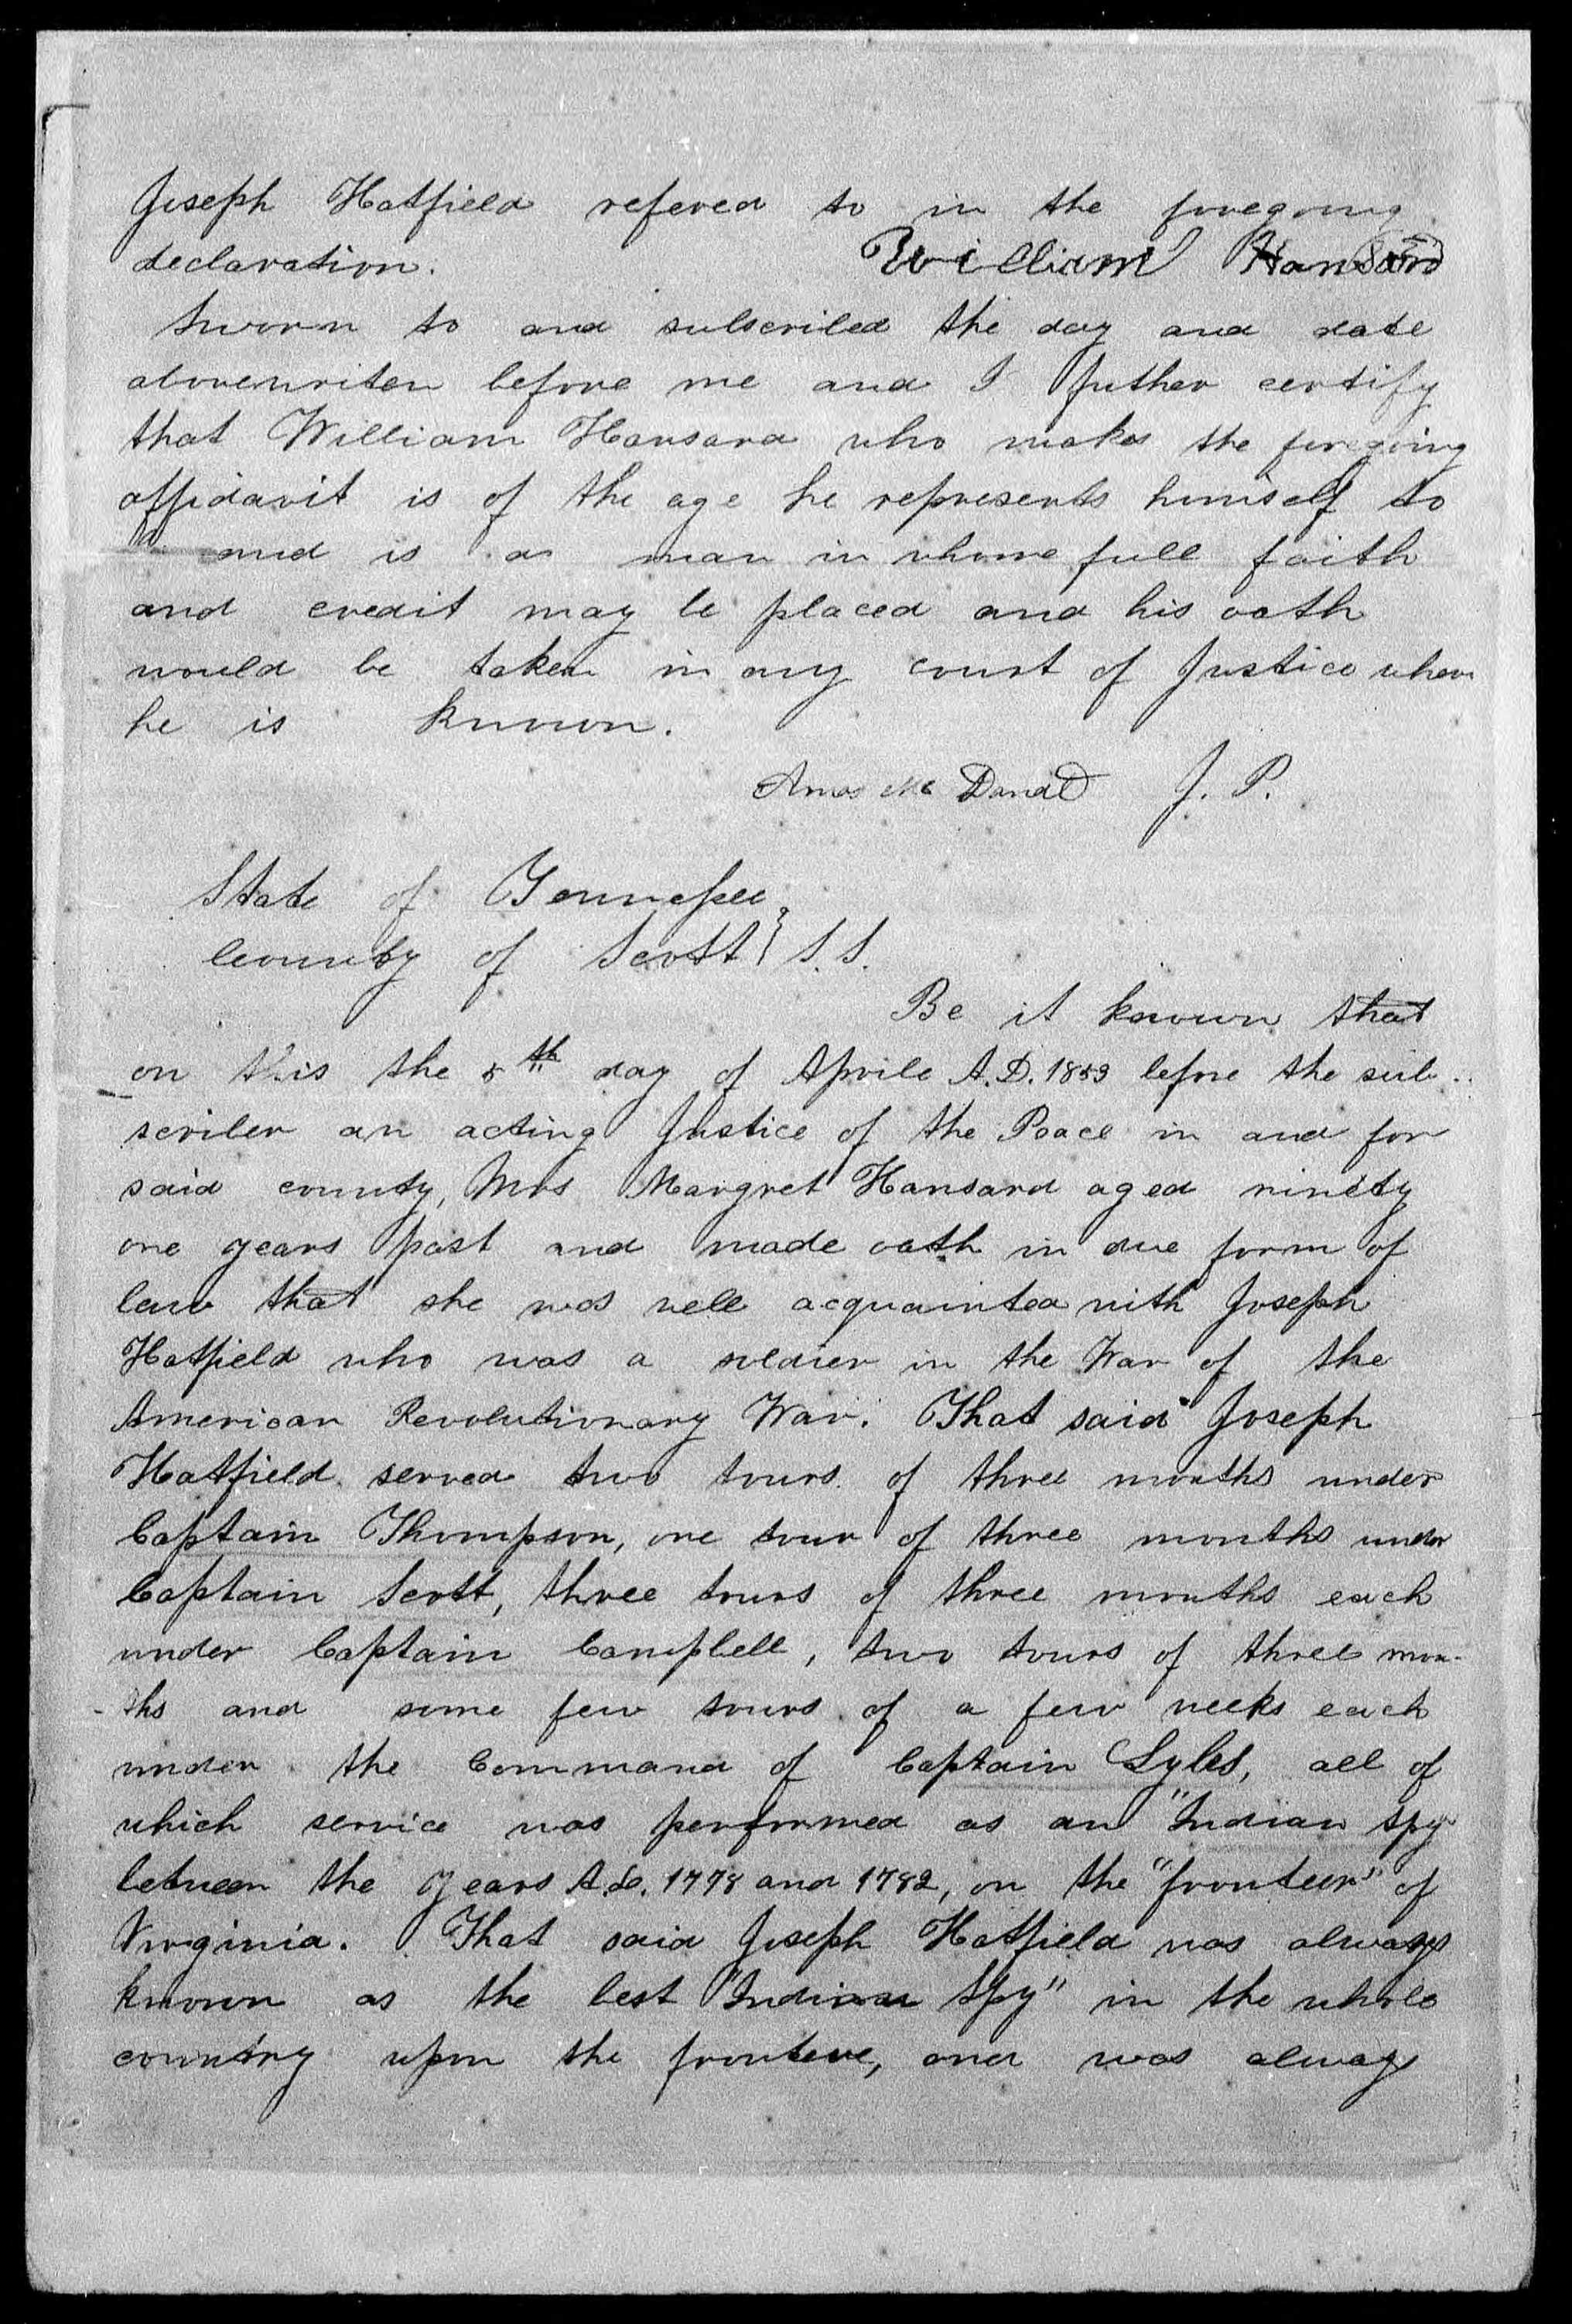Joseph Hatfield referred to in the foregoing declaration. William Hansard
Sworn to and subscribed the day and date
above written before me and I further certify
that William Hansard who makes the foregoing
affidavit is of the age he represents himself to
be and is a man in whom full faith
and credit may be placed and his oath
would be taken in any court of Justice where
he is known.
Amos McDonald J.P.

State of Tennessee
County of Scott} S.S.
Be it known that
on this the 5th day of April A.D. 1853 before the subscriber an acting Justice of the Peace in and for said county, Mrs. Margret Hansard aged ninety one years past and made oath in due form of law that she was well acquainted with Joseph Hatfield who was a soldier in the War of the American Revolutionary War. That said Joseph Hatfield served two tours of three months under Captain Thompson, one tour of three months under Captain Scott, three tours of three months each under Captain Campbell, two tours of three months and some few tours of a few weeks each under the Command of Captain Lyles, all of which service was performed as an "Indian spy between the years A.D. 1778 and 1782, on the "frontier" of Virginia. That said Joseph Hatfield was always known as the best "Indian Spy" in the whole country upon the frontier, and was always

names: Amos Mc Donald, Joseph Hatfield, Margret Hansard, Scott, Joseph Hatfield, William Hansard, Lyles, William Hansard, Joseph Hatfield, Campbell, Thompson, Joseph Hatfield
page: 27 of 74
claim: widow's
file: W. 5, Joseph Hatfield, Va.